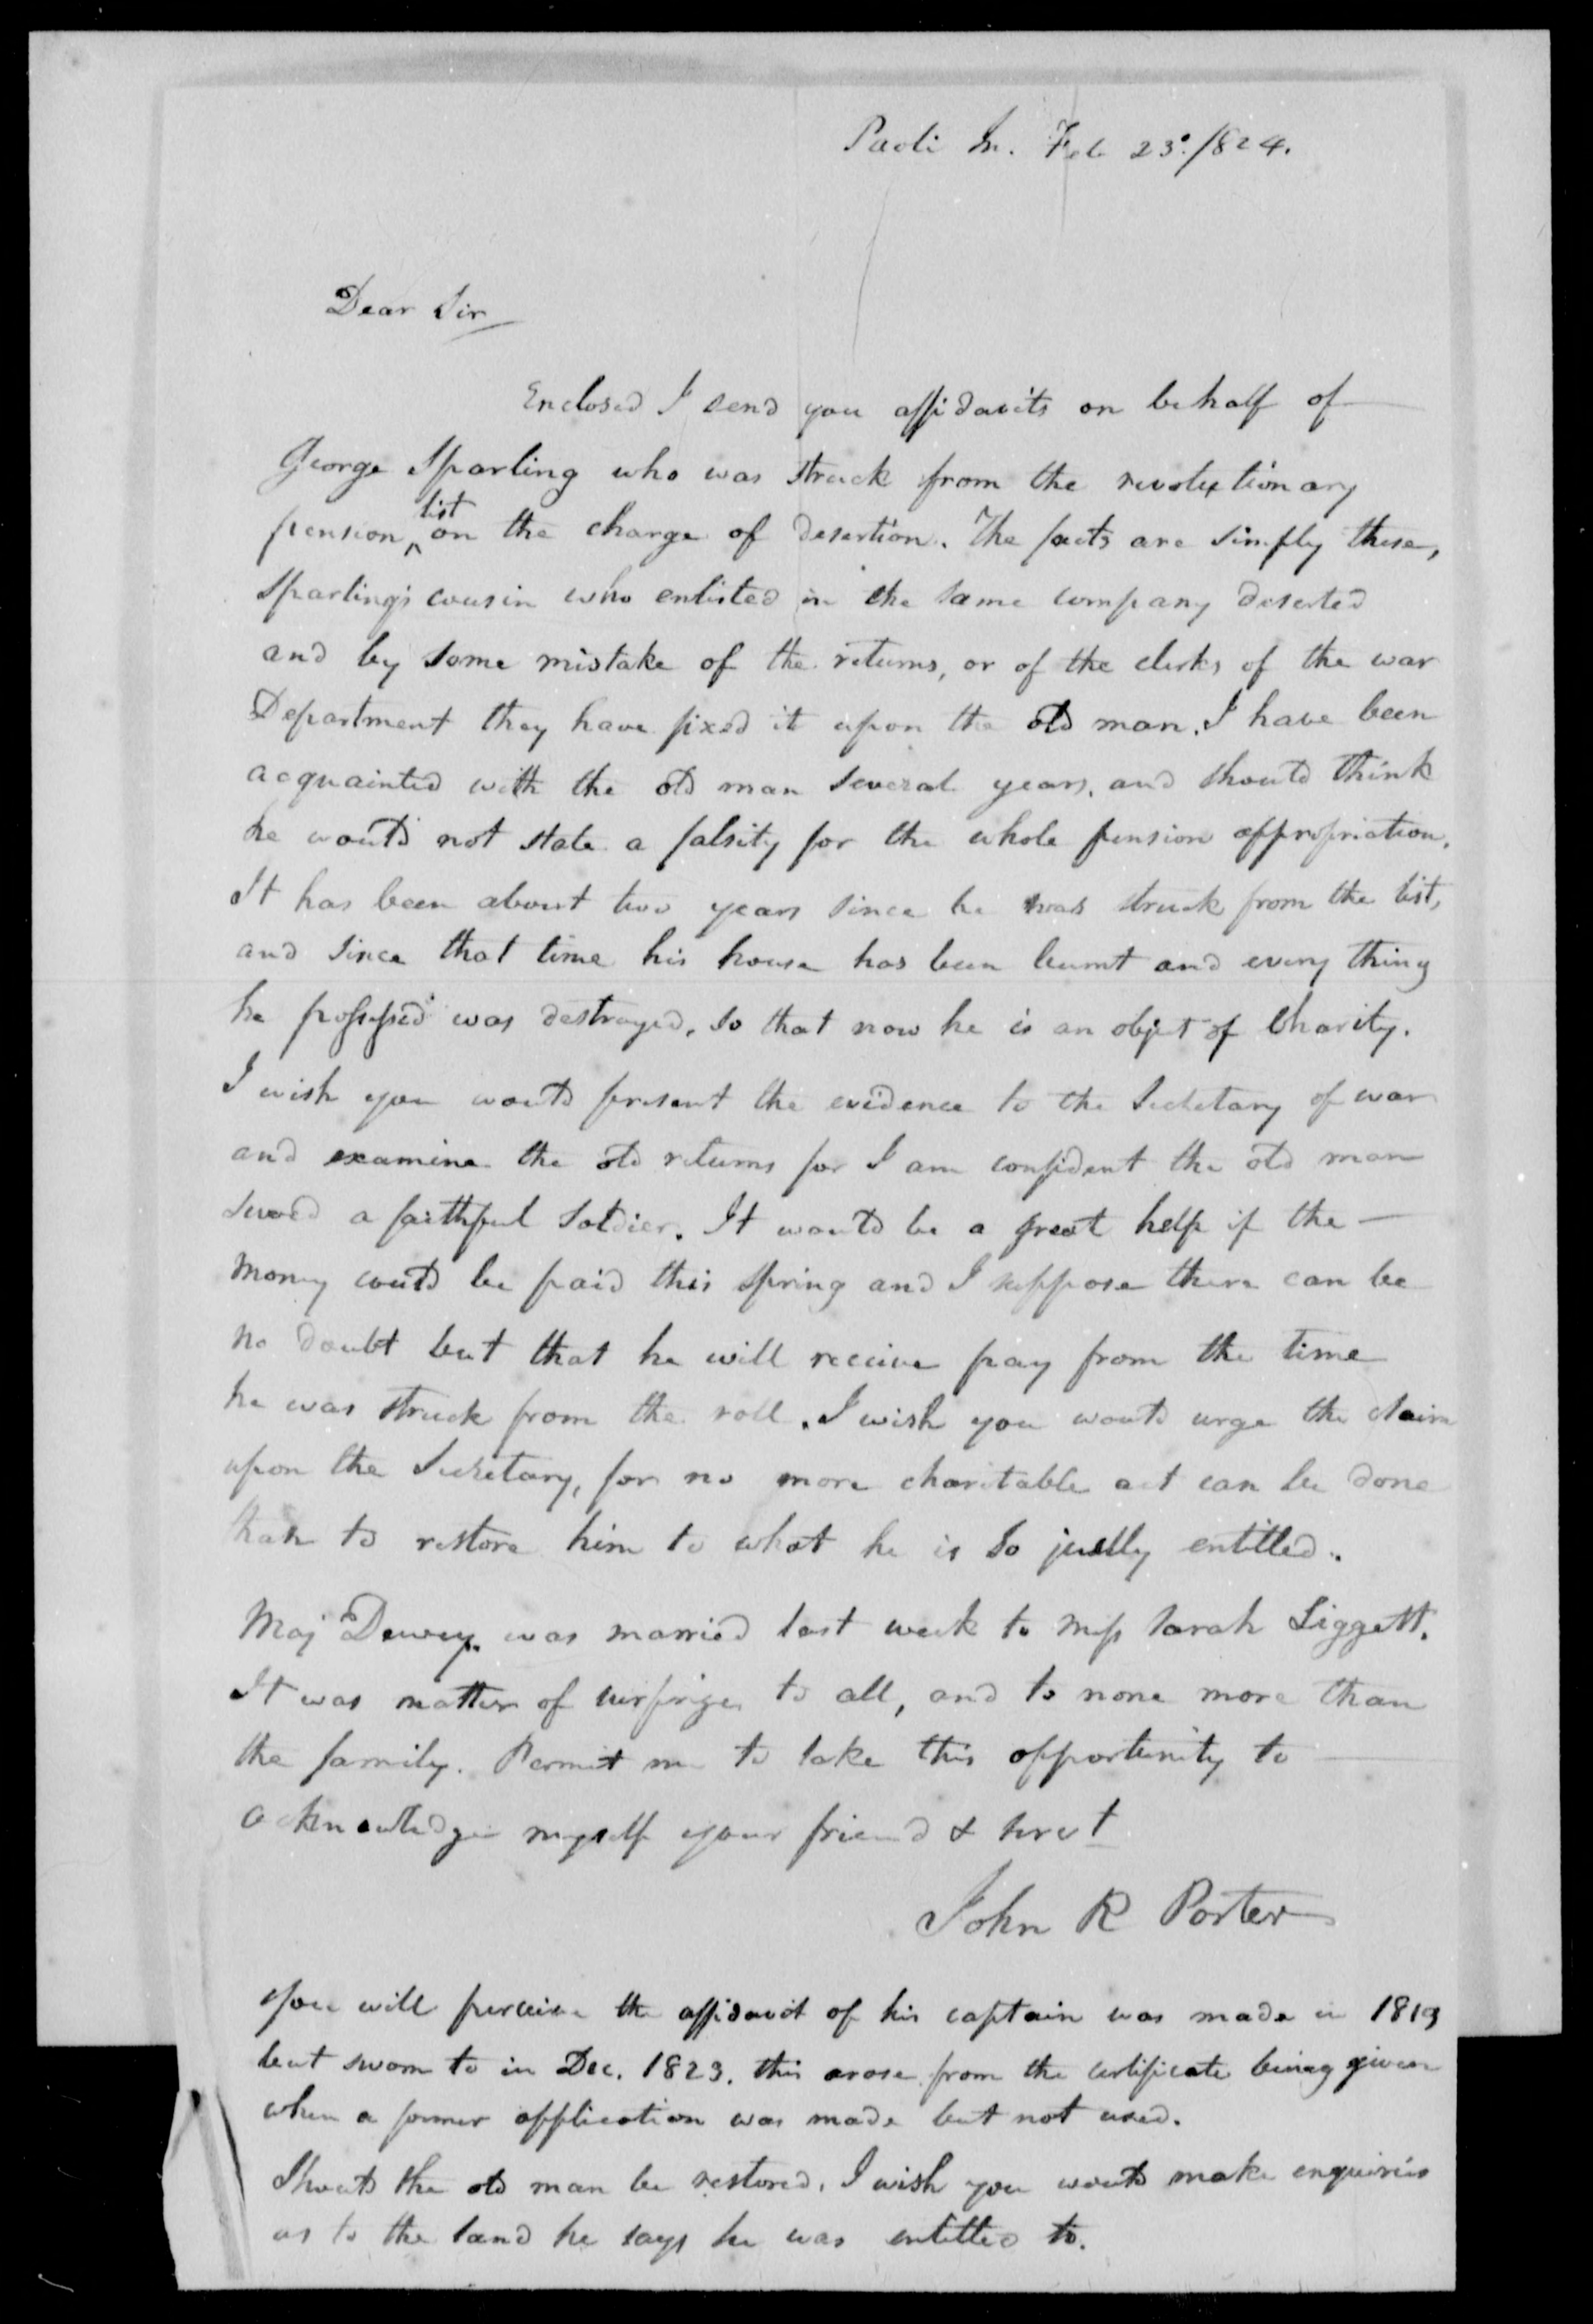Paoli In. Feb 23/1824

Dear Sir-

Enclosed I send you affidavits on behalf of George Sparling who was struck from the revolutionary war pension list on the charge of Desertion. The facts are simply there, Sparlings cousin who enlisted in the same company deserted and by some mistake of the returns, or of the clerks of the war department they have fixed it upon the old man. I have been acquainted with the old man several years, and should think he would not state a falsity for the whole pension appropriation, It has been about two years since he was struck from the list, and since that time his house has been burnt and everything he possessed was destroyed, so that now he is dept of charity. I wish you would would present the evidence to the Secretary of war and examine the old returns for I am confident the old man served a faithful soldier. It would be a great help if the money could be paid this spring and I suppose there can be no doubt but that he will receive pay from the time he was struck from the roll. I wish you would urge the claim upon the Secretary, for no more charitable act can be done than to restore him to what he is so justly entitled. 
Maj Dewey was  married last week to Miss Sarah Liggett. It was a matter of (unknown word) to all, and to none more than the family. Permit me to take the opportunity to acknowledge myself your friend and servt
John R Porter

You will perceive the affidavit of his captain was made in 1819 but sworn to in Dec.1823. this arose from the certificate being given  when a former application was made but not used. 
(unknown word) the old man be restored. I wish you would make enquiries as to the land he says he was entitled to.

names: Sarah Liggett; [BLANK] Dewey; George Sparling; John R Porter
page: 20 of 20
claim: survivor's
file: S. 36,783, for George Sparling, New Jersey